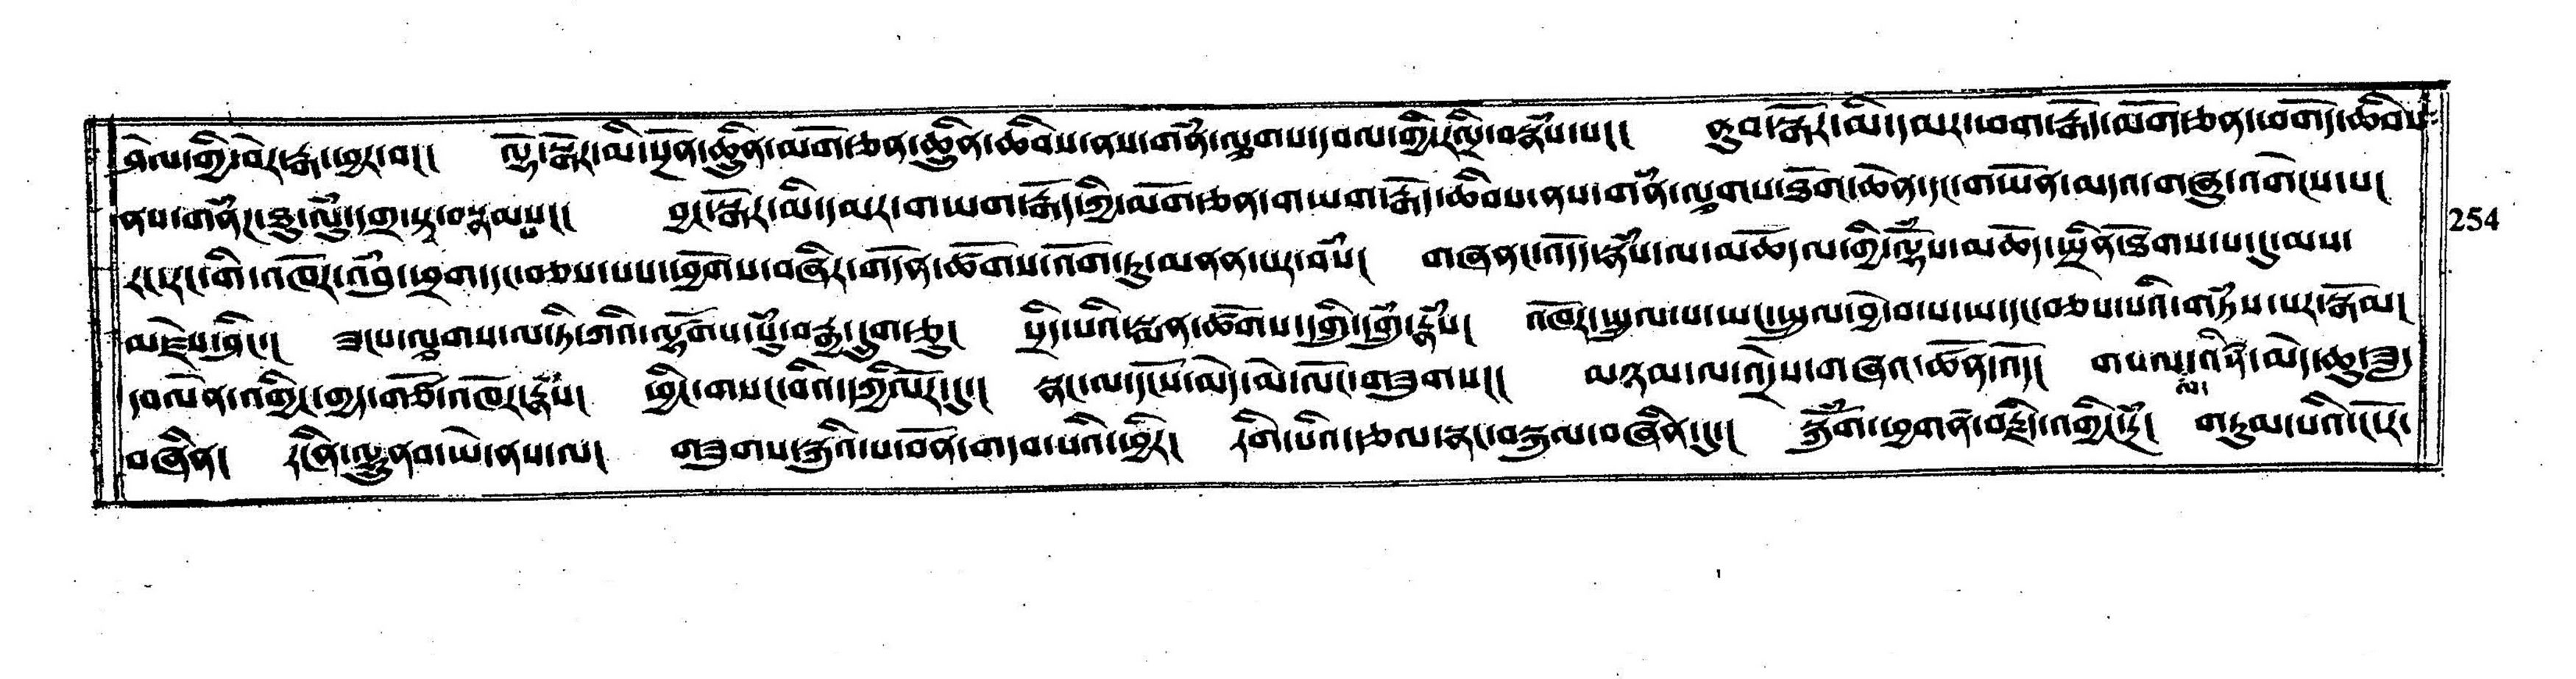ཤེལ་གྱི་བེར་རྒ་ཕྱར་བ།། ལྷོ་སྒོར་མི་སྔོན་ཆུ་སྲིན་མགོ་ཅན་ཆུ་སྲིན་ཆིབས་ནས་གནམ་ལྕགས་དབལ་གྱི་རལ་གྲི་བསྣམས་པ།། ནུབ་སྒོར་མི་དམར་ཕག་རྒོད་མགོ་ཅན་ཕག་རྒོད་ཆིབས་
ནས་གནམ་ལྕགས་ཐུ་ལུམ་དགྲ་སྟྭ་བསྣམས།། བྱང་སྒོར་མི་དམར་གཡག་རྒོད་ཀྱི་མགོ་ཅན་གཡག་རྒོད་ཆིབས་ནས་གནམ་ལྕགས་ཐོག་ཆེན་དང་གཡོན་མདའ་གཞུ་འགེངས་པ། 
རང་རང་གི་འཁོར་འབུམ་ཕྲག་དང་བཅས་པས་ཕྱོགས་བཞིར་གདོན་ཚོགས་འོག་ཏུ་མནན་པར་བསམ། གཞན་ཡང་འདོད་སྣམས་ལ་མཆོད་འབུལ་གྱི་ལྷ་མོས་མཆོད་སྤྲིན་ཐོགས་པ་དུ་མས་
མཛེས་ཤིང་། ཟངས་ལྕགས་ལ་ཏི་ཀའི་ལྷ་ཚོགས་སུམ་བརྒྱ་དྲུག་ཅུ། སྲིད་པའི་སྨན་ཚོགས་དགུ་ཁྲི་དགུ་འབུམ་རྣམས། འཁོར་སྤྲུལ་པ་ཡང་སྤྲུལ་བྱེ་བ་ས་ཡ་དང་བཅས་པའི་གཏམས་པར་སྒོམ། 
དབལ་ཆེན་འགྱིང་གྱད་གཙོ་འཁོར་རྣམས། ཕྱི་ནང་གསང་བའི་དཀྱིལ་འཁོར་དུ། སྣང་ལ་དངོས་མེད་མེ་ལོང་གཟུགས།། མཉམ་ལ་འདྲེས་གཞའ་ཚོན་འོད། གསལ་ལ་འཛིན་མེད་ཆུ་ཟླ་
བཞིན། རང་བཞིན་ལྷུན་གྲུབ་ཡེ་ནས་ལ། གཟུགས་སྐུའི་ས་བོན་གདབ་པའི་ཕྱིར། རིག་པའི་རྩལ་སྣང་བསྐུལ་བཞིན་དུ། སྐུ་མདོག་ཕྱག་མཚན་བརྗིད་འགྱིང་རྔམ། གཏུམ་པའི་ང་རོ་